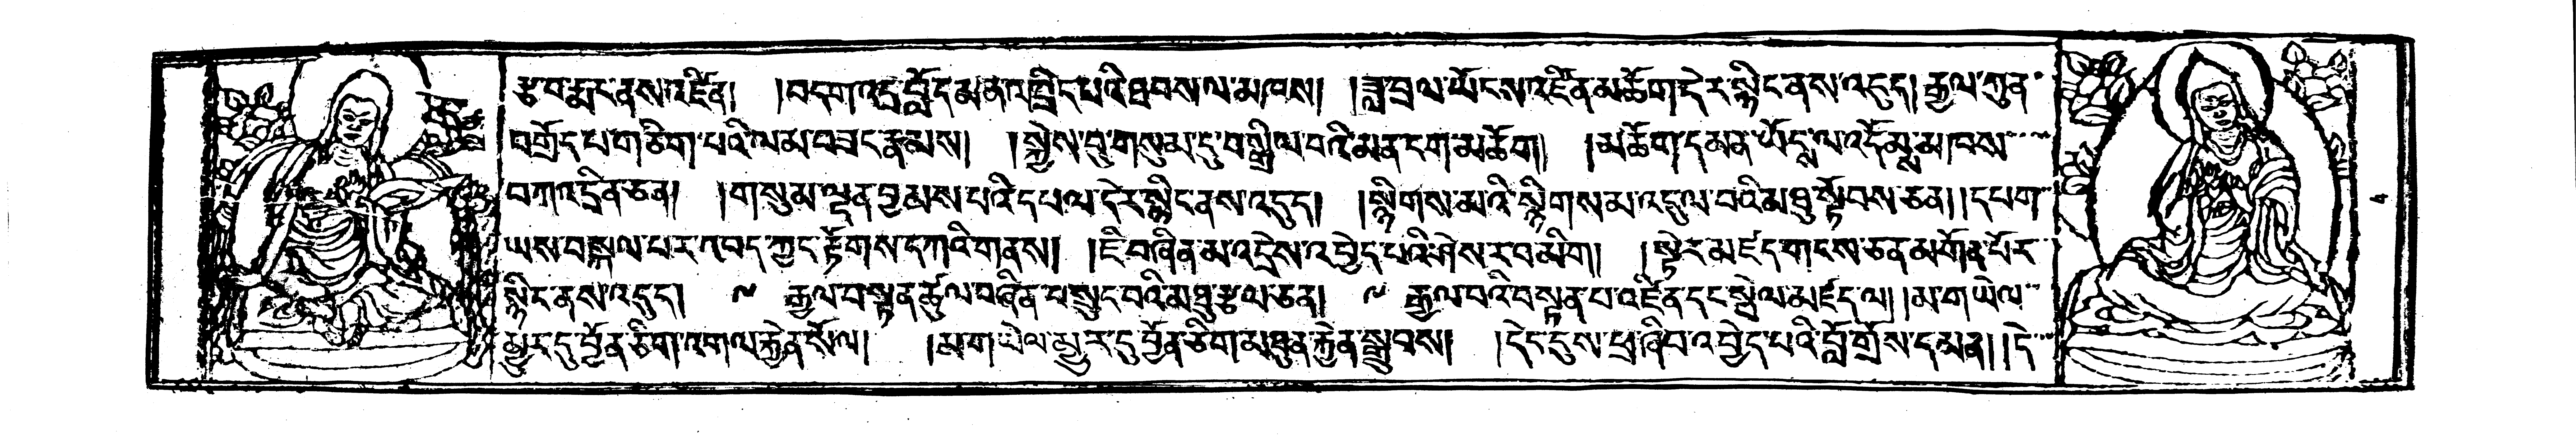རྩ་བ་རྨང་ནས་འཛིན། །བདག་འདྲ་བློ་དམན་འཁྲིད་པའི་ཐབས་ལ་མཁས། །ཟླ་བྲལ་ཡོངས་འཛིན་མཆོག་དེར་སྙིང་ནས་འདུད། རྒྱལ་ཀུན་
བགྲོད་པ་གཅིག་པའི་ལམ་བཟང་རྣམས། །སྐྱེས་བུ་གསུམ་དུ་བསྒྲིལ་མན་ངག་མཆོག། །མཆོག་དམན་ཡོངས་ལ་འདོམས་མཁས་
བཀའ་དྲིན་ཅན། །གསུམ་ལྡན་བྱམས་པའི་དཔལ་དེར་སྙིང་ནས་འདུད། །སྙིགས་མའི་སྙིགས་མ་འདུལ་བའི་མཐུ་སྟོབས་ཅན། །དཔག་
ཡས་བསྐལ་པར་འབད་ཀྱང་རྟོགས་དཀའི་གནས། །ཇི་བཞིན་མ་འདྲེས་འབྱེད་པའི་ཤེས་རབ་མིག །སྟེར་མཛད་གངས་ཅན་མགོན་པོར་
སྙིང་ནས་འདུད། ༧་རྒྱལ་བསྟན་ཚུལ་བཞིན་བསྲུང་བའི་མཐུ་རྩལ་ཅན། ༧་རྒྱལ་བའི་བསྟན་པ་འཛིན་དང་སྤེལ་མཛད་ལ། །མ་གཡེལ་
མྱུར་དུ་བྱོན་ཅིག་འགལ་རྐྱེན་སོལ། །མ་གཡེལ་མྱུར་དུ་བྱོན་ཅིག་མཐུན་རྐྱེན་སྒྲུབས། །དེང་དུས་ཕྲ་ཞིབ་འབྱེད་པའི་བློ་གྲོས་དམན། །དེ་